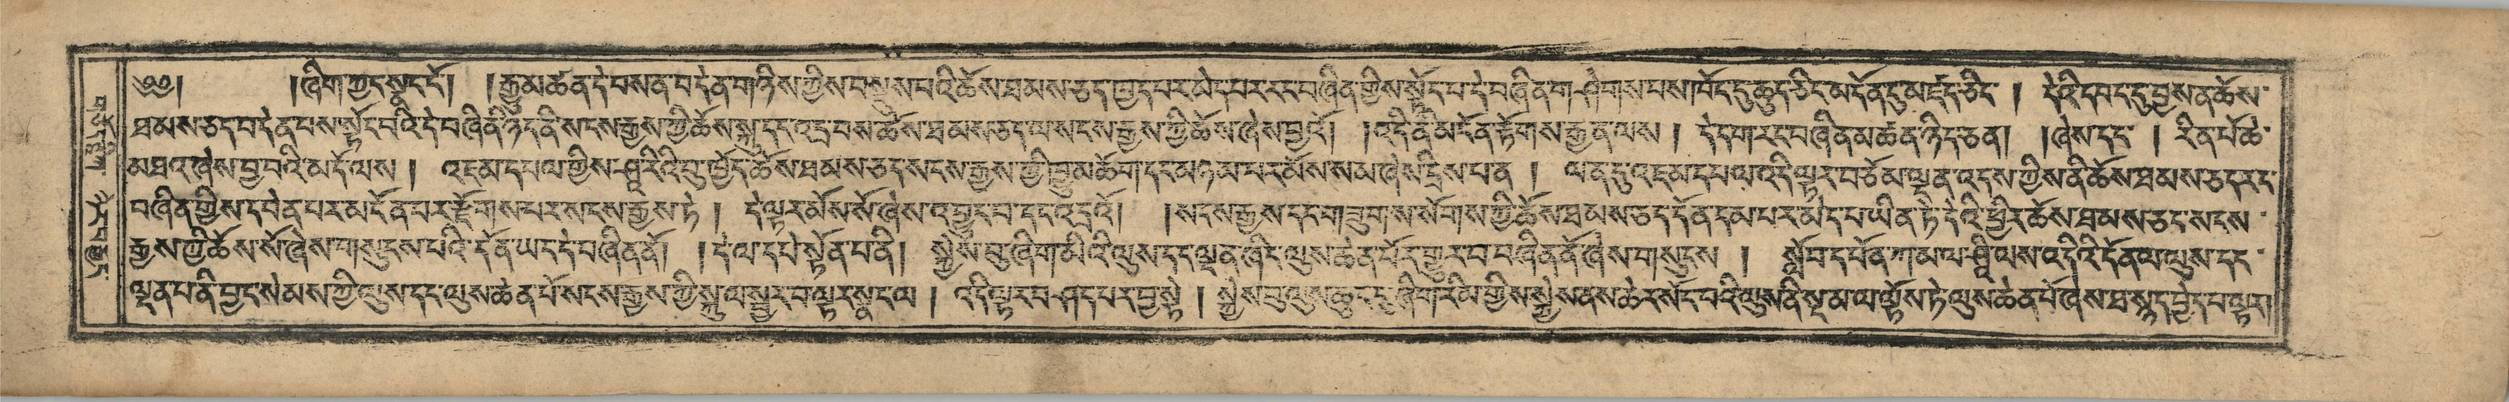༄༅། །ཞིག་ཀྱང་སྣང་ངོ། །རྒྱུ་མཚན་དེ་བས་ན་བདེན་གཉིས་ཀྱིས་བསྡུས་པའི་ཆོས་ཐམས་ཅད་ཁྱད་པར་མེད་པར་རང་བཞིན་གྱིས་སྟོང་པ་དེ་བཞིན་གཤེགས་པས་ཁོང་དུ་ཆུད་ཅིང་མངོན་དུ་མཛད་ཅིང་། དེའི་དབང་དུ་བྱས་ན་ཆོས་
ཐམས་ཅད་བདེན་པས་སྟོང་བའི་དེ་བཞིན་ཉིད་ནི་སངས་རྒྱས་ཀྱི་ཆོས་སྐུ་དང་འདྲ་བས་ཆོས་ཐམས་ཅད་ལ་སངས་རྒྱས་ཀྱི་ཆོས་ཞེས་བྱའོ། །འདི་ནི་མངོན་རྟོགས་རྒྱན་ལས། དེ་དག་རང་བཞིན་མཚན་ཉིད་ཅན། །ཞེས་དང་། རིན་པོ་ཆེ་
མཐའ་ཞེས་བྱ་བའི་མདོ་ལས། འཇམ་དཔལ་གྱིས་ཤཱ་རིའི་བུ་ཁྱོད་ཆོས་ཐམས་ཅད་སངས་རྒྱས་ཀྱི་ཁྱུ་མཆོག་དང་མཉམ་པར་མོས་སམ་ཞེས་དྲིས་པ་ན། ལན་དུ་འཇམ་དཔལ་འདི་ལྟར་བཅོམ་ལྡན་འདས་ཀྱིས་ནི་ཆོས་ཐམས་ཅད་རང་
བཞིན་གྱིས་དབེན་པར་མངོན་པར་རྫོགས་པར་སངས་རྒྱས་ཏེ། དེ་ལྟར་མོས་སོ་ཞེས་འབྱུང་བ་དང་འདྲའོ། །སངས་རྒྱས་དང་གཟུགས་སོགས་ཀྱི་ཆོས་ཐམས་ཅད་དོན་དམ་པར་མེད་པ་ཡིན་ཏེ་དེའི་ཕྱིར་ཆོས་ཐམས་ཅད་སངས་
རྒྱས་ཀྱི་ཆོས་སོ་ཞེས་གསུངས་པའི་དོན་ཡང་དེ་བཞིན་ནོ། །དེ་ལ་དཔེ་སྟོན་པ་ནི། སྐྱེས་བུ་ཞིག་མིའི་ལུས་དང་ལྡན་ཞིང་ལུས་ཆེན་པོར་གྱུར་པ་བཞིན་ནོ་ཞེས་གསུངས། སློབ་དཔོན་ཀ་མ་ལ་ཤཱི་ལས་འདིའི་དོན་ལ་ལུས་དང་
ལྡན་པ་ནི་བྱང་སེམས་ཀྱི་ལུས་དང་ལུས་ཆེན་པོ་སངས་རྒྱས་ཀྱི་སྐུ་ལ་སྦྱར་བ་ལྟར་སྣང་ལ། འདི་ལྟར་བཤད་པར་བྱ་སྟེ། སྐྱེས་བུ་ལུས་ཆུང་ངུ་ཞིག་རིམ་གྱིས་སྐྱེས་ནས་ཆེར་སོང་བའི་ལུས་ནི་སྔ་མ་ལ་ལྟོས་ཏེ་ལུས་ཆེན་པོ་ཞེས་ཐ་སྙད་བྱེད་པ་ལྟར་